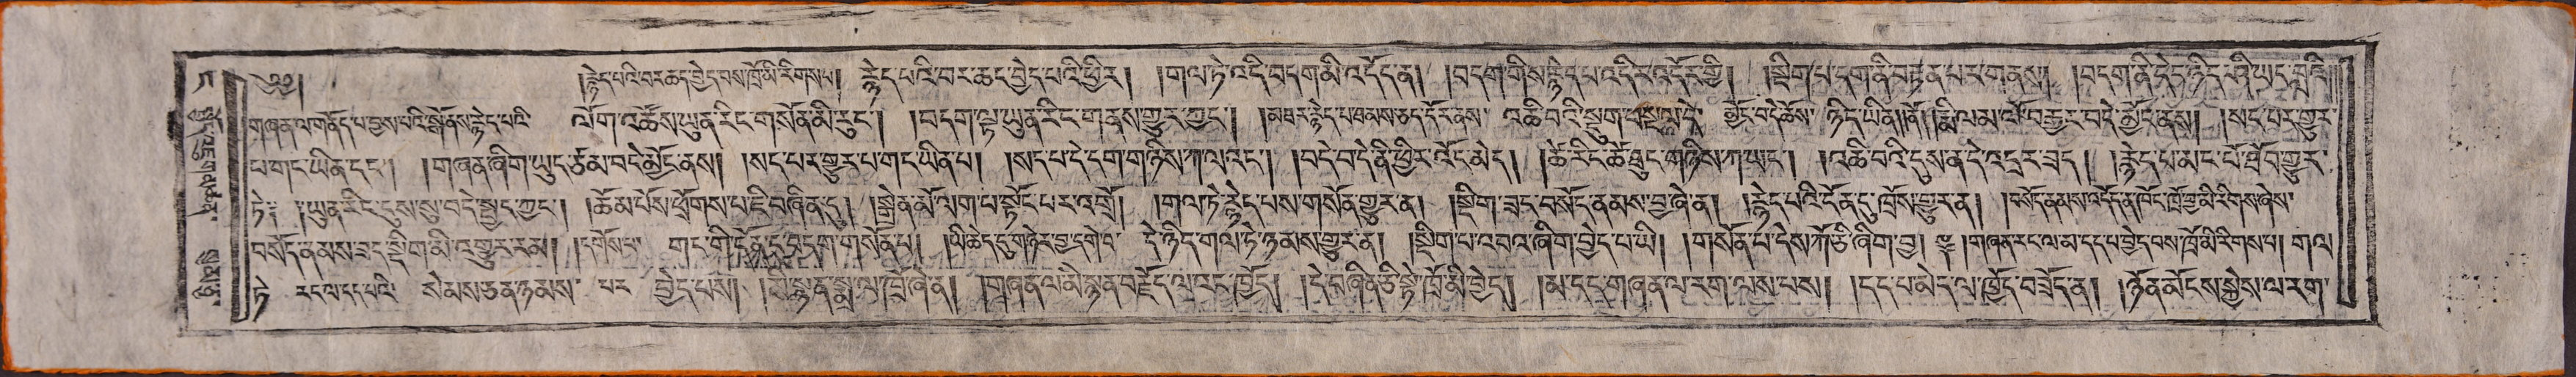༄༅། །རྙེད་པའི་བར་ཆད་བྱེད་པས་ཁྲོ་མི་རིགས་པ། རྙེད་པའི་བར་ཆད་བྱེད་པའི་ཕྱིར། །གལ་ཏེ་འདི་བདག་མི་འདོད་ན། །བདག་གིས་རྙེད་པ་འདིར་འདོར་གྱི། །སྡིག་པ་དག་ནི་བརྟེན་པར་གནས། །བདག་ནི་དེང་ཉིད་ཤི་ཡད་བླའི།།
གཞན་ལ་གནོད་པ་བྱས་པའི་སྒོ་ནས་རྙེད་པའི་ལོག་འཚོས་ཡུན་རིང་གསོན་མི་རུང་། །བདག་ལྟ་ཡུན་རིང་གནས་གྱུར་ཀྱང་། །མཐར་རྙེད་བ་ཐམས་ཅད་དོར་ནས་འཆི་བའི་སྡུག་བསྔལ་དེ་སྐྱོང་བདེ་ཆོས། ཉིད་ཡིན། །ནོ། །རྨི་ལམ་ལོ་བརྒྱར་བདེ་མྱོང་ནས། །སད་པར་གྱུར་
པ་གང་ཡིན་དང་། །གཞན་ཞིག་ཡུད་ཙམ་བདེ་མྱོང་ནས། །སད་པར་གྱུར་པ་གང་ཡིན་པ། །སད་པ་དེ་དག་གཉིས་ཀ་ལའང་། །བདེ་བ་དེ་ནི་ཕྱིར་འོང་མེད། །ཚེ་རིང་ཚེ་ཐུང་གཉིས་ཀ་ཡང་། །འཆི་བའི་དུས་ན་དེ་འདྲར་ཟད། །རྙེད་པ་མང་པོ་ཐོབ་གྱུར་
ཏེ༑ ༑ཡུན་རིང་དུས་སུ་བདེ་སྤྱད་ཀྱང་། །ཆོམ་པོས་ཕྲོགས་པ་ཇི་བཞིན་དུ། །སྒྲེན་མོ་ལག་པ་སྟོང་པར་འགྲོ། །གལ་ཏེ་རྙེད་པས་གསོན་གྱུར་ན། །སྡིག་ཟད་བསོད་ནམས་བྱ་ཞེ་ན། །རྙེད་པའི་དོན་དུ་ཁྲོས་གྱུར་ན། །བསོད་ནམས་འདོད་ན་ཁོང་ཁྲོ་བྱ་མི་རིགས་ཞེས་
བསོད་ནམས་ཟད་སྡིག་མི་འགྱུར་རམ། །དགོས་པ་གང་གི་དོན་དུ་བདག་གསོན་པ། །ཡི་ཆེད་དུ་གཉེར་བྱ་དགེ་བ་དེ་ཉིད་གལ་ཏེ་ཉམས་གྱུར་ན། །སྡིག་པ་འབའ་ཞིག་བྱེད་པ་ཡི། །གསོན་པ་དེས་ཀོ་ཅི་ཞིག་བྱ། ༈ །གཞན་རང་ལམ་དད་པ་བྱེ་དཔས་ཁྲོ་མི་རིགས་པ། གལ་
ཏེ་རང་ལ་དད་པའི། སེམས་ཅན་ཉམས་པར་བྱེད་པས། །མི་སྙན་སྨྲ་ལ་ཁྲོ་ཞེ་ན། །གཞན་ལ་མི་སྙན་བརྗོད་ལའང་ཁྱོད། །དེ་བཞིན་ཅི་སྟེ་ཁྲོ་མི་བྱེད། །མ་དད་གཞན་ལ་རག་ལས་པས། །དད་པ་མེད་ལ་ཁྱོད་བཟོད་ན། །ཉོན་མོངས་སྐྱེས་ལ་རག་